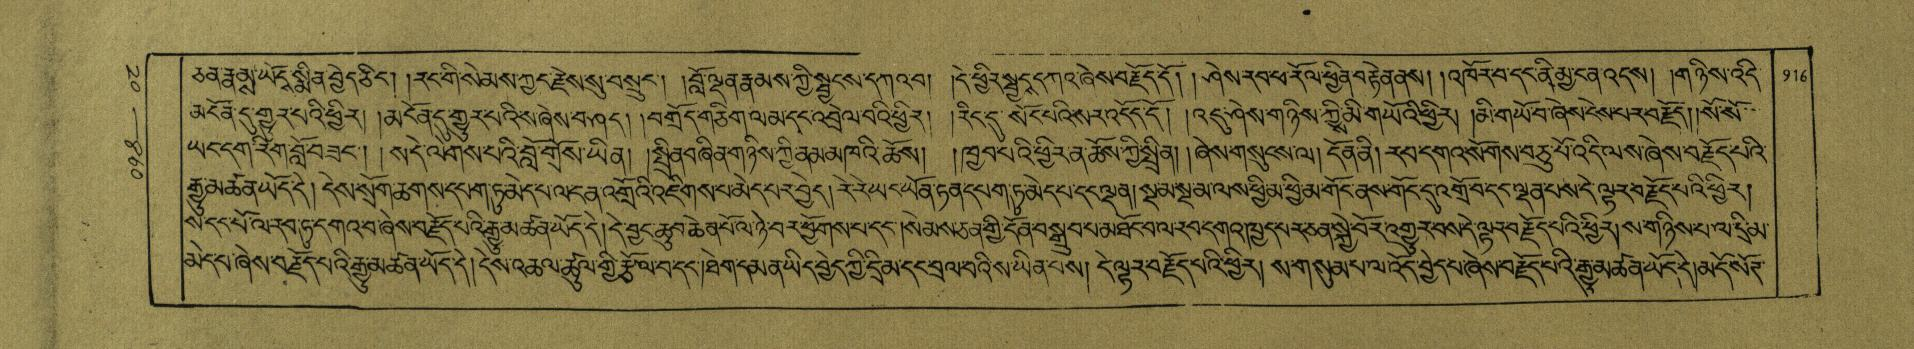ཅན་རྣམས་ཡོངས་སྨིན་བྱེད་ཅིང་། །རང་གི་སེམས་ཀྱང་རྗེས་སུ་བསྲུང་། །བློ་ལྡན་རྣམས་ཀྱི་སྦྱངས་དཀའ་བ། །དེ་ཕྱིར་སྦྱངས་དཀའ་ཞེས་བརྗོད་དོ། །ཤེས་རབ་ཕ་རོལ་ཕྱིན་བརྟེན་ནས། །འཁོར་བ་དང་ནི་མྱ་ངན་འདས། །གཉིས་འདི་
མངོན་དུ་གྱུར་པའི་ཕྱིར། །མངོན་དུ་གྱུར་པའི་ས་ཞེས་བཤད། །བགྲོད་གཅིག་ལམ་དང་འབྲེལ་བའི་ཕྱིར། །རིང་དུ་སོང་བའི་སར་འདོད་དོ། །འདུ་ཤེས་གཉིས་ཀྱིས་མི་གཡོའི་ཕྱིར། །མི་གཡོ་བ་ཞེས་ངེས་པར་བརྗོད། །སོ་སོ་
ཡང་དག་རིག་བློ་བཟང་། །ས་དེ་ལེགས་པའི་བློ་གྲོས་ཡིན། །སྤྲིན་བཞིན་གཉིས་ཀྱི་ནམ་མཁའི་ཆོས། །སྤྲིན་བཞིན་གཉིས་ཀྱི་ནམ་མཁའི་ཆོས། །ཁྱབ་པའི་ཕྱིར་ན་ཆོས་ཀྱི་སྤྲིན། །ཞེས་གསུངས་ལ། དོན་ནི། རབ་དགའ་སོགས་བཅུ་པོ་འདི་ལས་ཞེས་བརྗོད་པའི་
རྒྱུ་མཚན་ཡོད་དེ། དེས་སྲོག་ཆགས་དཔག་ཏུ་མེད་པ་ལ་ངན་འགྲོའི་འཇིགས་པ་མེད་པར་བྱེད། རེ་རེ་ཡང་ཡོན་ཏན་དཔག་ཏུ་མེད་པ་དང་ལྡན། སྔ་མ་སྔ་མ་ལས་ཕྱི་མ་ཕྱི་མ་གོང་ནས་གོང་དུ་འགྲོ་བ་དང་ལྡན་པས་དེ་ལྟར་བརྗོད་པའི་ཕྱིར།
ས་དང་པོ་ལ་རབ་ཏུ་དགའ་བ་ཞེས་བརྗོད་པའི་རྒྱུ་མཚན་ཡོད་དེ། དེ་བྱང་ཆུབ་ཆེན་པོ་ལ་ཉེ་བར་ཕྱོགས་པ་དང་། སེམས་ཅན་གྱི་དོན་བསྒྲུབ་པ་མཐོང་བ་ལ་རབ་དགའ་ཁྱད་པར་ཅན་སྐྱེ་བོར་འགྱུར་བས་དེ་ལྟར་བརྗོད་པའི་ཕྱིར། ས་གཉིས་པ་ལ་དྲི་མ་
མེད་པ་ཞེས་བརྗོད་པའི་རྒྱུ་མཚན་ཡོད་དེ། དེས་འཆལ་ཚུལ་གྱི་རྩོལ་བ་དང་། ཐེག་དམན་ཡིད་བྱེད་ཀྱི་དྲི་མ་དང་བྲལ་བའི་ས་ཡིན་པས། དེ་ལྟར་བརྗོད་པའི་ཕྱིར། ས་གསུམ་པ་ལ་འོད་བྱེད་པ་ཞེས་བརྗོད་པའི་རྒྱུ་མཚན་ཡོད་དེ། མདོ་སོཌ་